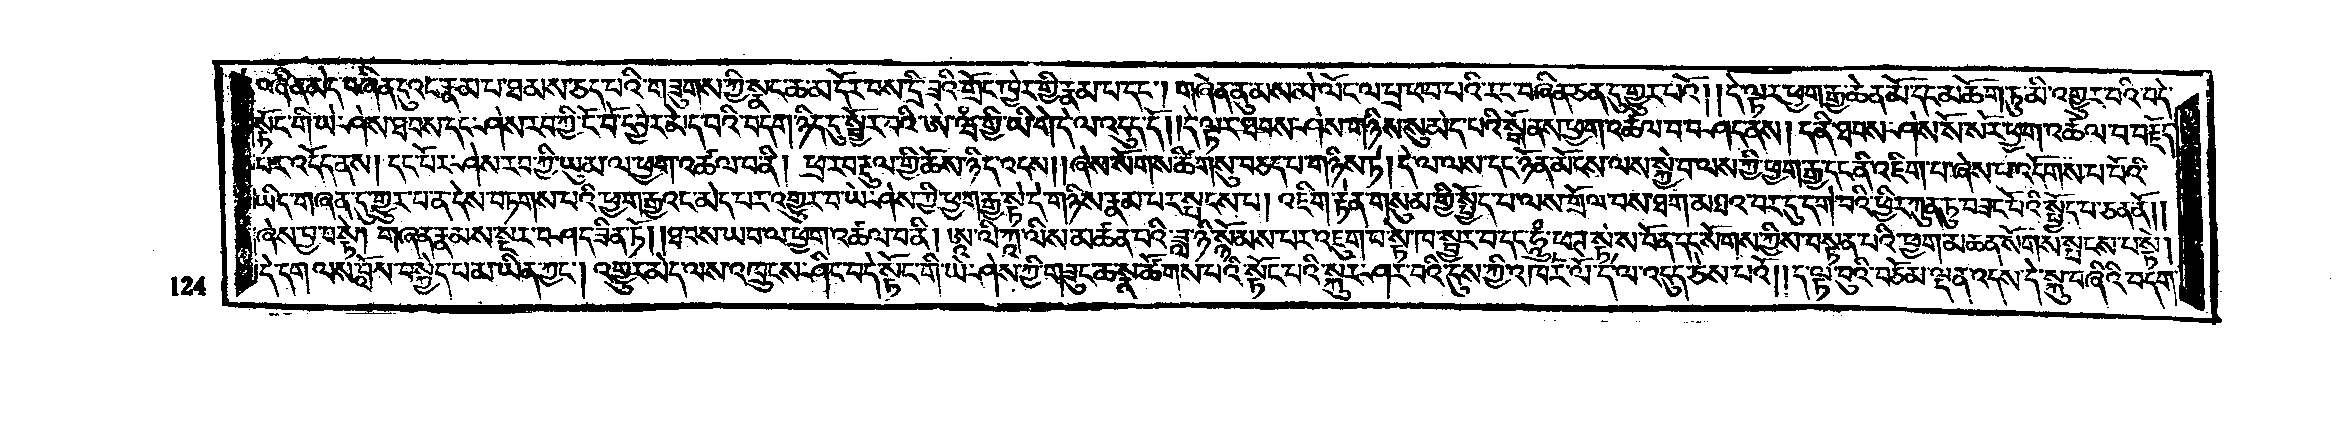བཞིན་མེད་བཞིན་དུའང་རྣམ་པ་ཐམས་ཅད་པའི་གཟུགས་ཀྱི་སྣང་ཆ་མ་དོར་བས་དྲི་ཟའི་གྲོང་ཁྱེར་གྱི་རྣམ་པ་དང་། གཞོན་ནུ་མས་མེ་ལོང་ལ་པྲ་ཕབ་པའི་རང་བཞིན་ཅན་དུ་གྱུར་པའོ། །དེ་ལྟར་ཕྱག་རྒྱ་ཆེན་མོ་དང་མཆོག་ཏུ་མི་འགྱུར་བའི་བདེ་
སྟོང་གི་ཡེ་ཤེས་ཐབས་དང་ཤེས་རབ་ཀྱི་ངོ་བོ་དབྱེར་མེད་པའི་བདག་ཉིད་དུ་སྦྱོར་བའི་ཨེ་ཝཾ་གྱི་ཡི་གེ་དེ་ལ་འདུད་དོ། །དེ་ལྟར་ཐབས་ཤེས་གཉིས་སུ་མེད་པའི་སྒོ་ནས་ཕྱག་འཚལ་བ་བཤད་ནས། ད་ནི་ཐབས་ཤེས་སོ་སོར་ཕྱག་འཚལ་བ་བརྗོད་
པར་འདོད་ནས། དང་པོར་ཤེས་རབ་ཀྱི་ཡུམ་ལ་ཕྱག་འཚལ་བ་ནི། ཕྲ་རབ་རྡུལ་གྱི་ཆོས་ཉིད་འདས། །ཞེས་སོགས་ཚིགས་སུ་བཅད་པ་གཉིས་ཏེ། དེ་ལ་ལས་དང་ཉོན་མོངས་ལས་སྐྱེ་བ་ལས་ཀྱི་ཕྱག་རྒྱ་དང་ནི་འཇིག་པ་ཞེས་པ་འདོགས་པ་པོའི་
ཡིད་གཞན་དུ་གྱུར་པ་ན་དེས་བཏགས་པའི་ཕྱག་རྒྱའང་མེད་པར་འགྱུར་བ་ཡེ་ཤེས་ཀྱི་ཕྱག་རྒྱ་སྟེ་དེ་གཉིས་རྣམ་པར་སྤངས་པ། འཇིག་རྟེན་གསུམ་གྱི་སྤྱོད་པ་ལས་གྲོལ་བས་ཐོག་མཐའ་བར་དུ་དགེ་བའི་ཕྱིར་ཀུན་ཏུ་བཟང་པོའི་སྤྱོད་པ་ཅན་ནོ། །
ཞེས་བྱ་བ་སྟེ། གཞན་རྣམས་སྔར་བཤད་ཟིན་ཏོ། །ཐབས་ཡབ་ལ་ཕྱག་འཚལ་བ་ནི། ཨཱ་ལི་ཀཱ་ལིས་མཚན་པའི་ཟླ་ཉི་སྙོམས་པར་འཇུག་པ་སྟེ་ཁ་སྦྱར་བ་དང་ཧཱུཾ་ཕཊ་སྟེ་ས་བོན་དང་སོགས་ཀྱིས་བསྟན་པའི་ཕྱག་མཚན་སོགས་སྤངས་པ་སྟེ།
དེ་དག་ལས་བློས་བསྐྱེད་པ་མ་ཡིན་ཀྱང་། འགྱུར་མེད་ལས་འཁྲུངས་ཤིང་བདེ་སྟོང་གི་ཡེ་ཤེས་ཀྱི་གཟུང་ཆ་སྣ་ཚོགས་པའི་སྟོང་པའི་སྐུར་ཤར་བའི་དུས་ཀྱི་འཁོར་ལོ་དེ་ལ་འདུད་ཅེས་པའོ། །དེ་ལྟ་བུའི་བཅོམ་ལྡན་འདས་དེ་སྐུ་བཞིའི་བདག་